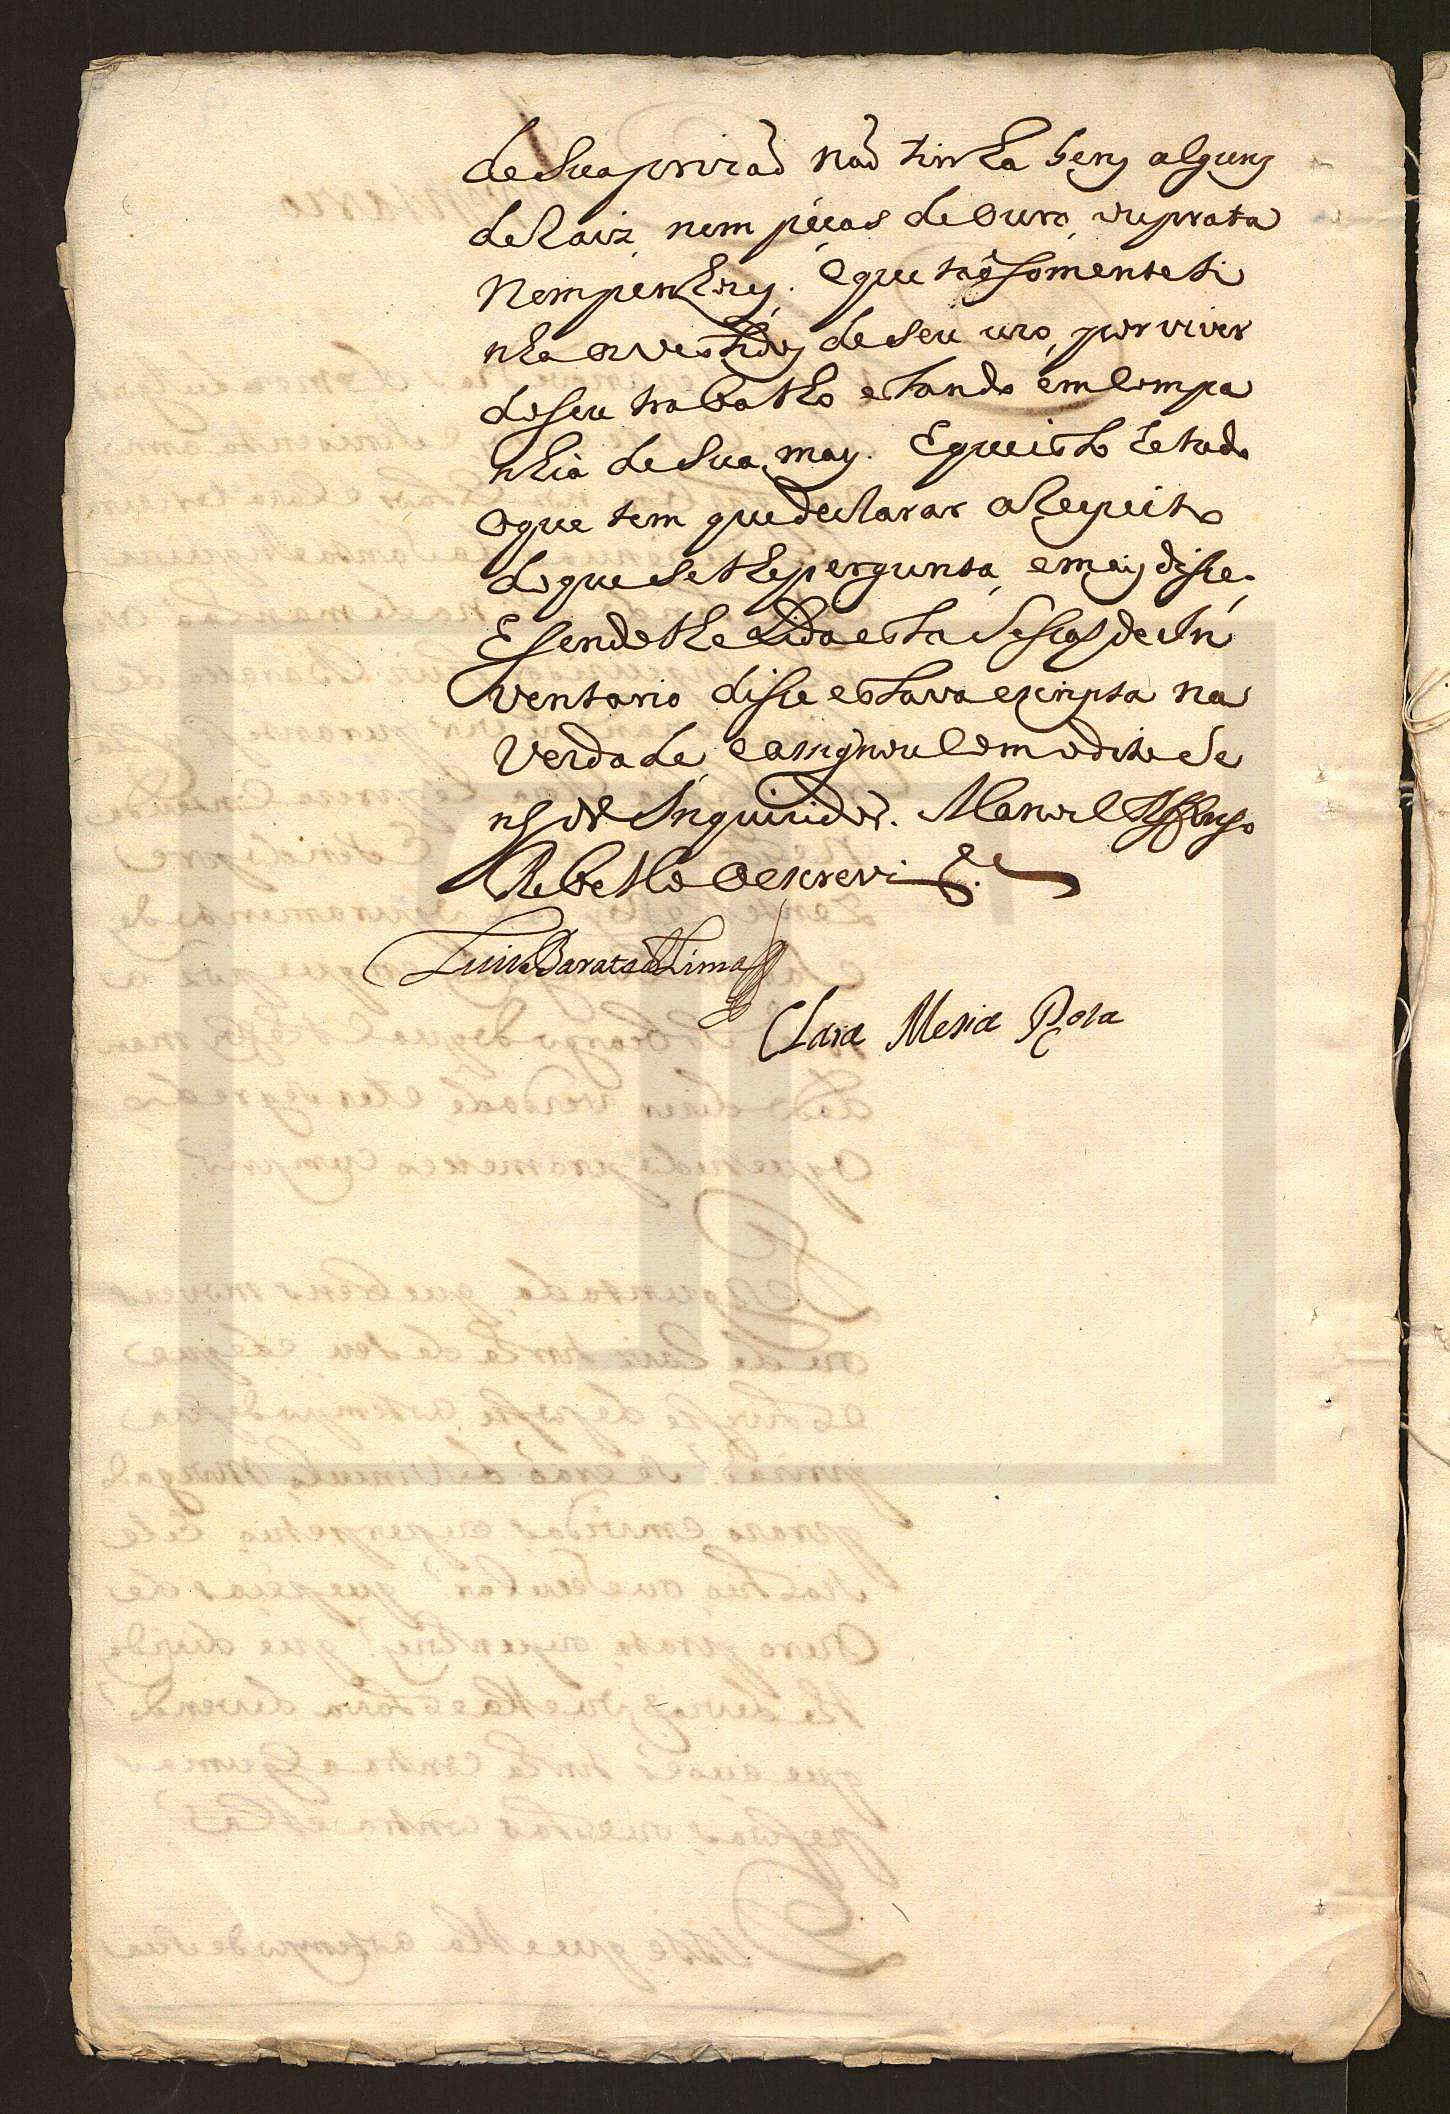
de sua prizaõ naõ tinha bens alguns
de Raiz, nem péças de ouro, ou prata
nem penhores; e que taõ somente ti
nha oz vestidos de seu uzo, por viver
do seu trabalho estando em compa
nhia de sua may. E que isto he tudo
o que tem que declarar a Respeito
do que Se lhe pergunta, e mais disse,
E sendolhe Lida esta Sessaõ de In
ventario disse estava escripta na
Verdade e assignou com o dito Se
nhor Inquizidor. Manoel Affonso
Rebello o escrevi.
